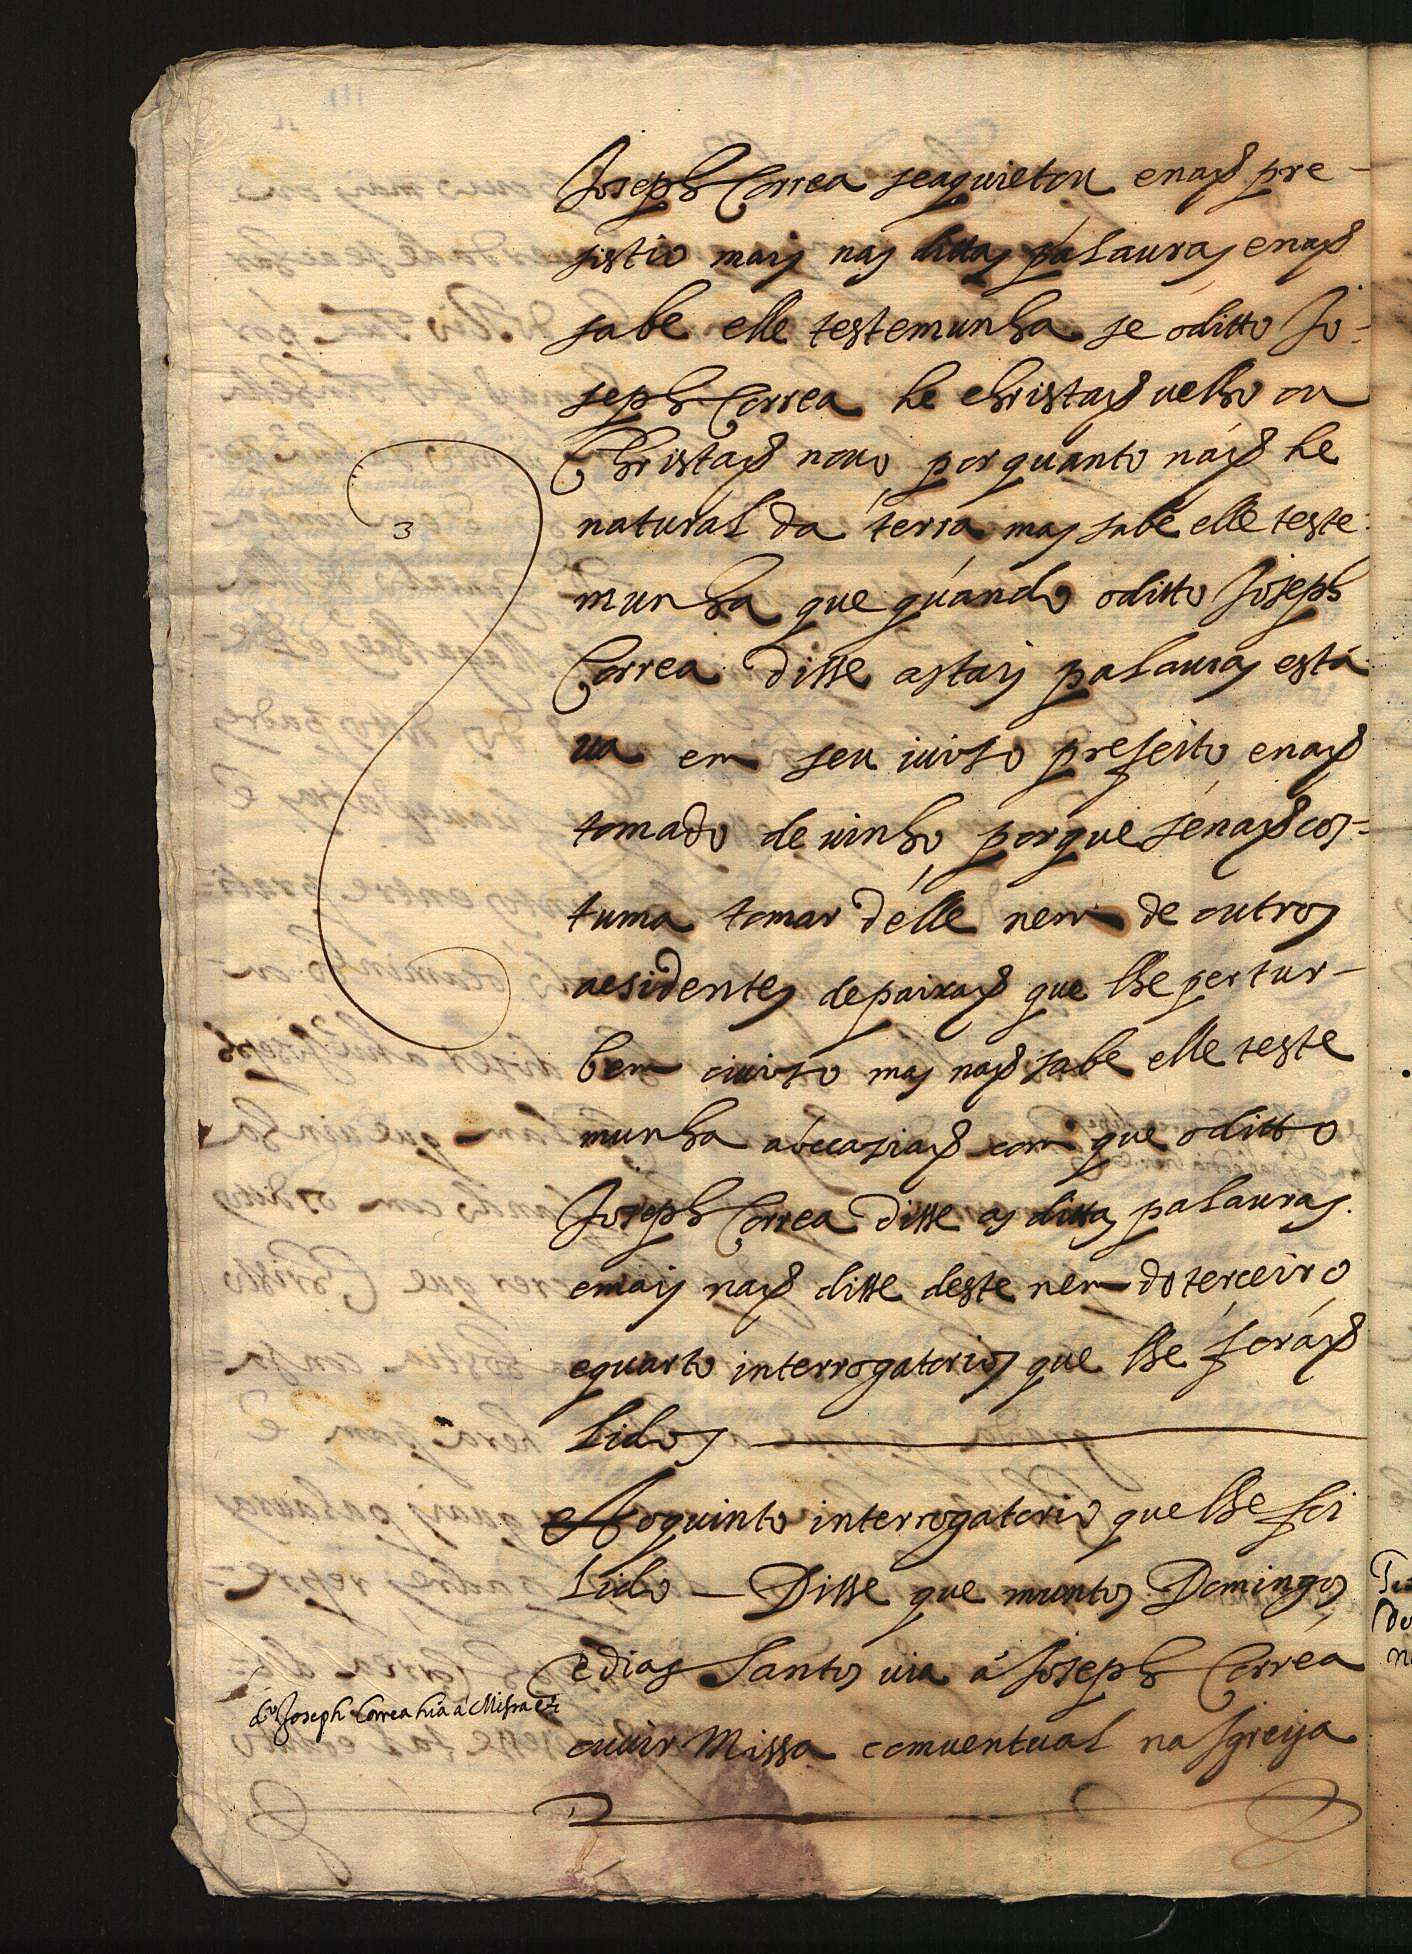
Joseph Correa se aquietou, e naõ pre
sistio mais nas dittas palauras, e naõ
sabe elle testemunha se o ditto Jo
seph Correa he christaõ uelho, ou
Christaõ nouo, porquanto naõ he
natural da terra, mas sabe elle teste
munha que quando o ditto Joseph
Correa disse as tais palauras está
ua em seu iuizo prefeito, e naõ
tomado de uinho, porque se naõ cos
tuma tomar delle nem de outros
acsidentes de paixaõ que lhe pertur
bem o iuizo mas naõ sabe elle teste
munha a occaziaõ com que o ditto
Joseph Correa disse as dittas palauras.
e mais naõ disse deste nem do terceiro
e quarto interrogatorios que lhe foraõ
lidos
Ao quinto interrogatorio que lhe foi
Lido – Disse que muntos Domingos
e dias Santos uia á Joseph Correa
do Jozeph Correa hia á Missa &c
ouuir Missa comuentual na Jgreija
